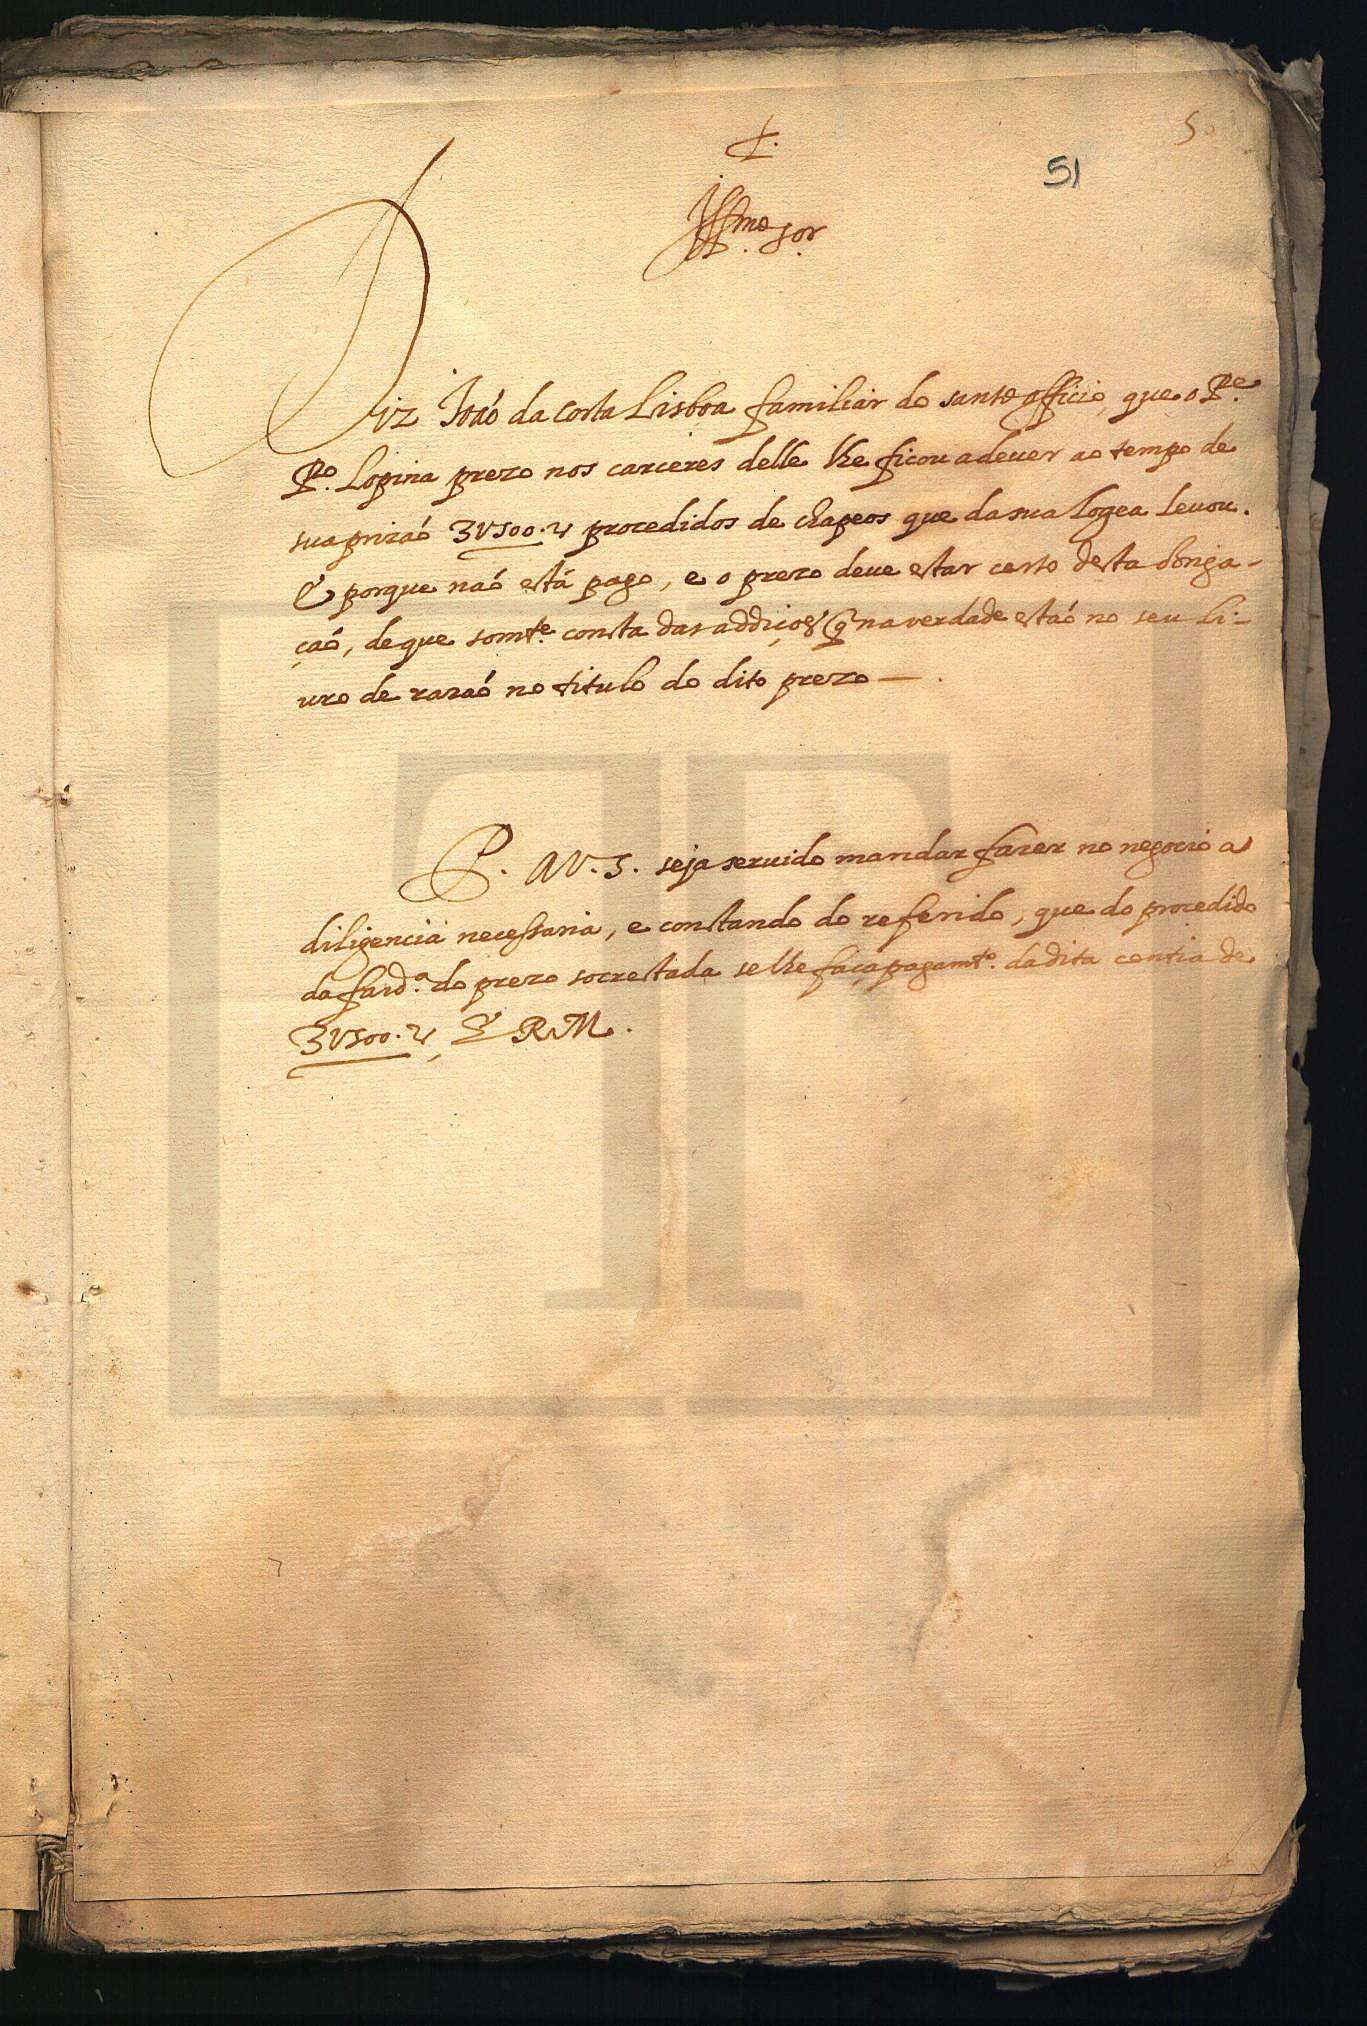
50
Jll.mo so.r
Diz Joaõ da costa Lisboa familiar do santo officio, que o P.e
P.o Lopina prezo nos carceres delle lhe ficou a deuer ao tempo de
sua prizaõ 3$500. rs procedidos de chapeos que da sua Logea leuou
E porque naõ está pago, e o prezo deue estar certo desta obriga
çaõ, de que somt.e consta das addiçoes q̄ na verdade estaõ no seu Li
uro de razaõ no titulo do dito prezo
P. a v. s. seja seruido mandar fazer no negocio a
diligencia necessaria, e constando do referido, que do procedido
da fazd.a do prezo socrestada se lhe faça pagamto. da dita contia de
3$500. rs̄, E R M.
